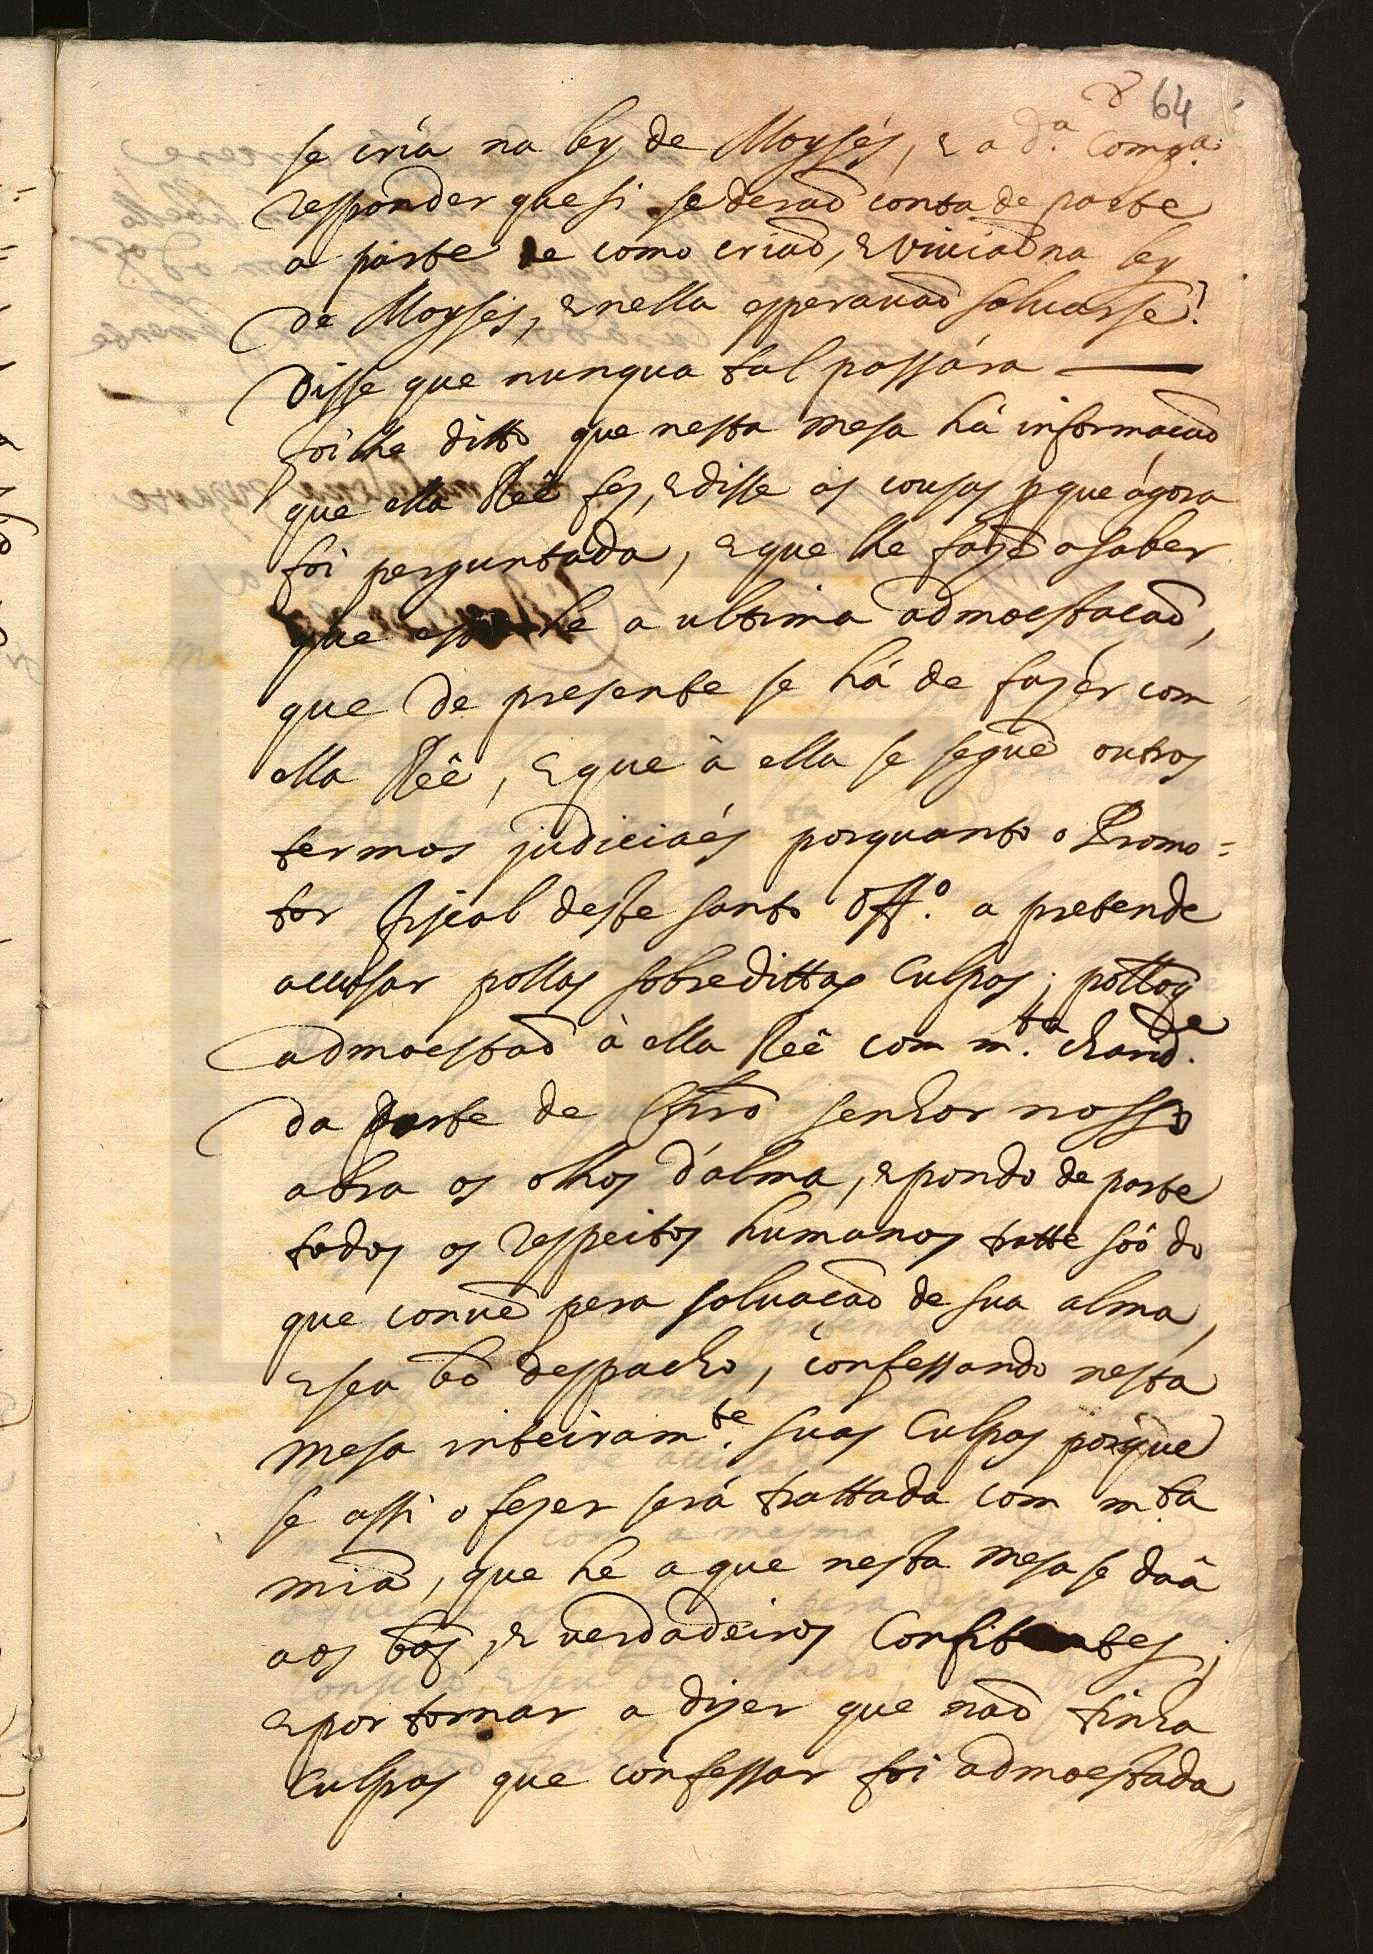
se cria na ley de Moyses, E a d.a compa.
Responder que si se derão conta de parte
a parte de como crião, E viuuião na ley
de Moyses, E nella esperauão saluarse?
disse que nunqua tal passara
foi lhe ditto que nesta mesa há informação
que ella Reê fez, E disse as cousas ꝑ que agora
foi perguntada, E que lhe fazē a saber
que es_ he a ultima admoestação,
que de presente se há de fazer com
ella Reê, E que à ella se seguē outros
termos judiciaés porquanto o Promo
tor fiscal deste santo off.o a pretende
accusar pollas sobredittas culpas; pollo q̄
admoestão à ella Reê com m.ta charid.e
da parte de Chr̄o senhor nosso
abra os olhos d'alma, E pondo de parte
todos os Respeitos humanos tratte soô do
que conuē pera saluação de sua alma
E seu bō despacho, confessando nesta
mesa inteiram.te suas culpas porque
se assi o fezer será trattada com m.ta
mīa, que he a que nesta mesa se daâ
aos bōs, E uerdadeiros confit__tes,
E por tornar a dizer que não tinha
culpas que confessar foi admoestada
